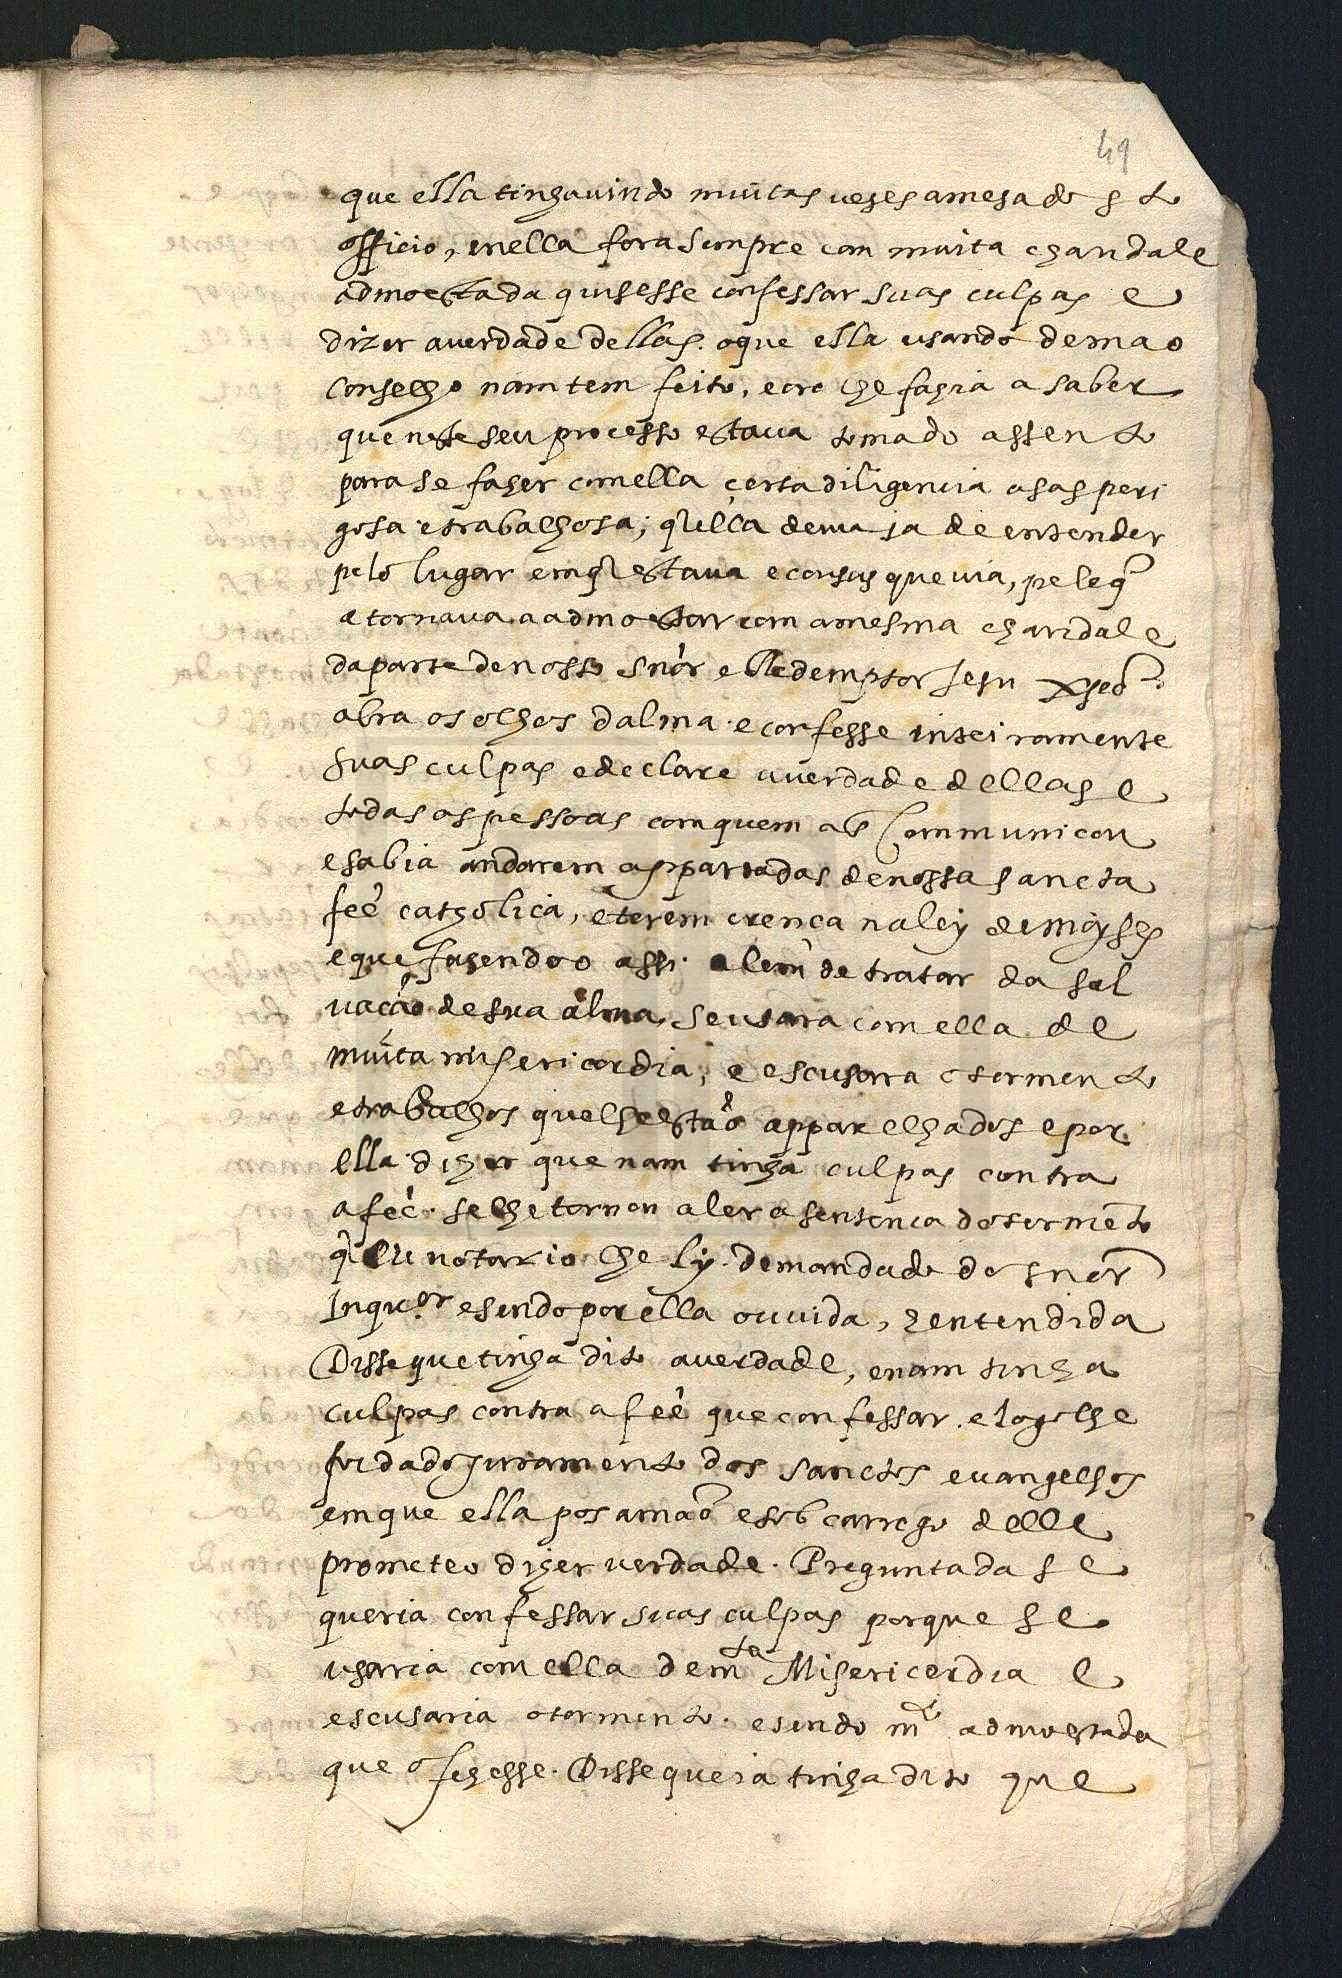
que ella tinha uindo muitas ueses a mesa do sto
officio, e nella fora sempre com muita charidade
admoestada quisesse confessar suas culpas e
dizer a uerdade dellas o que ella usando de mao
conselho nam tem feito, e cre lhe fazia a saber
que neste seu processo estaua tomado assento
para se fazer com ella çerta diligencia asas peri
gosa e trabalhosa; q̄ ella deuia ja de entender
pelo lugar em q̄ estaua e cousas que uia, pelo q̄
a tornaua a admoestar com a mesma charidade
da parte de nosso Snōr e Redemptor Jesu Xpō
abra os olhos dalma e confesse inteiramente
suas culpas e declare a uerdade dellas e
todas as pessoas com quem as Communicou
e sabia andarem appartadas de nossa sancta
feé catholica, e terem crença na ley de moyses
e que fazendoo assi _lem de tratar da sal
uação de sua alma se usara com ella de
muita misericordia, e escusara o tormento
e trabalhos que lhe estaõ apparelhados e por
ella dizer que nam tinha culpas contra
a feé se lhe tornou a ler a sentenca do tormēto
q̄ eu notario lhe ly de mandado do snor̄
Inqu.or e sendo por ella ouuida, E entendida
Disse que tinha dito a uerdade, e nam tinha
culpas contra a feé que confessar e logo lhe
foi dado juramento dos santos euangelhos
em que ella pos maõ e sob carrego delle
prometeo dizer uerdade. Preguntada se
queria confessar suas culpas porque se
usaria com ella de mta Misericordia e
escusaria o tormento. e sendo mto admoestada
que o fezesse. Disse que ia tinha dito que
